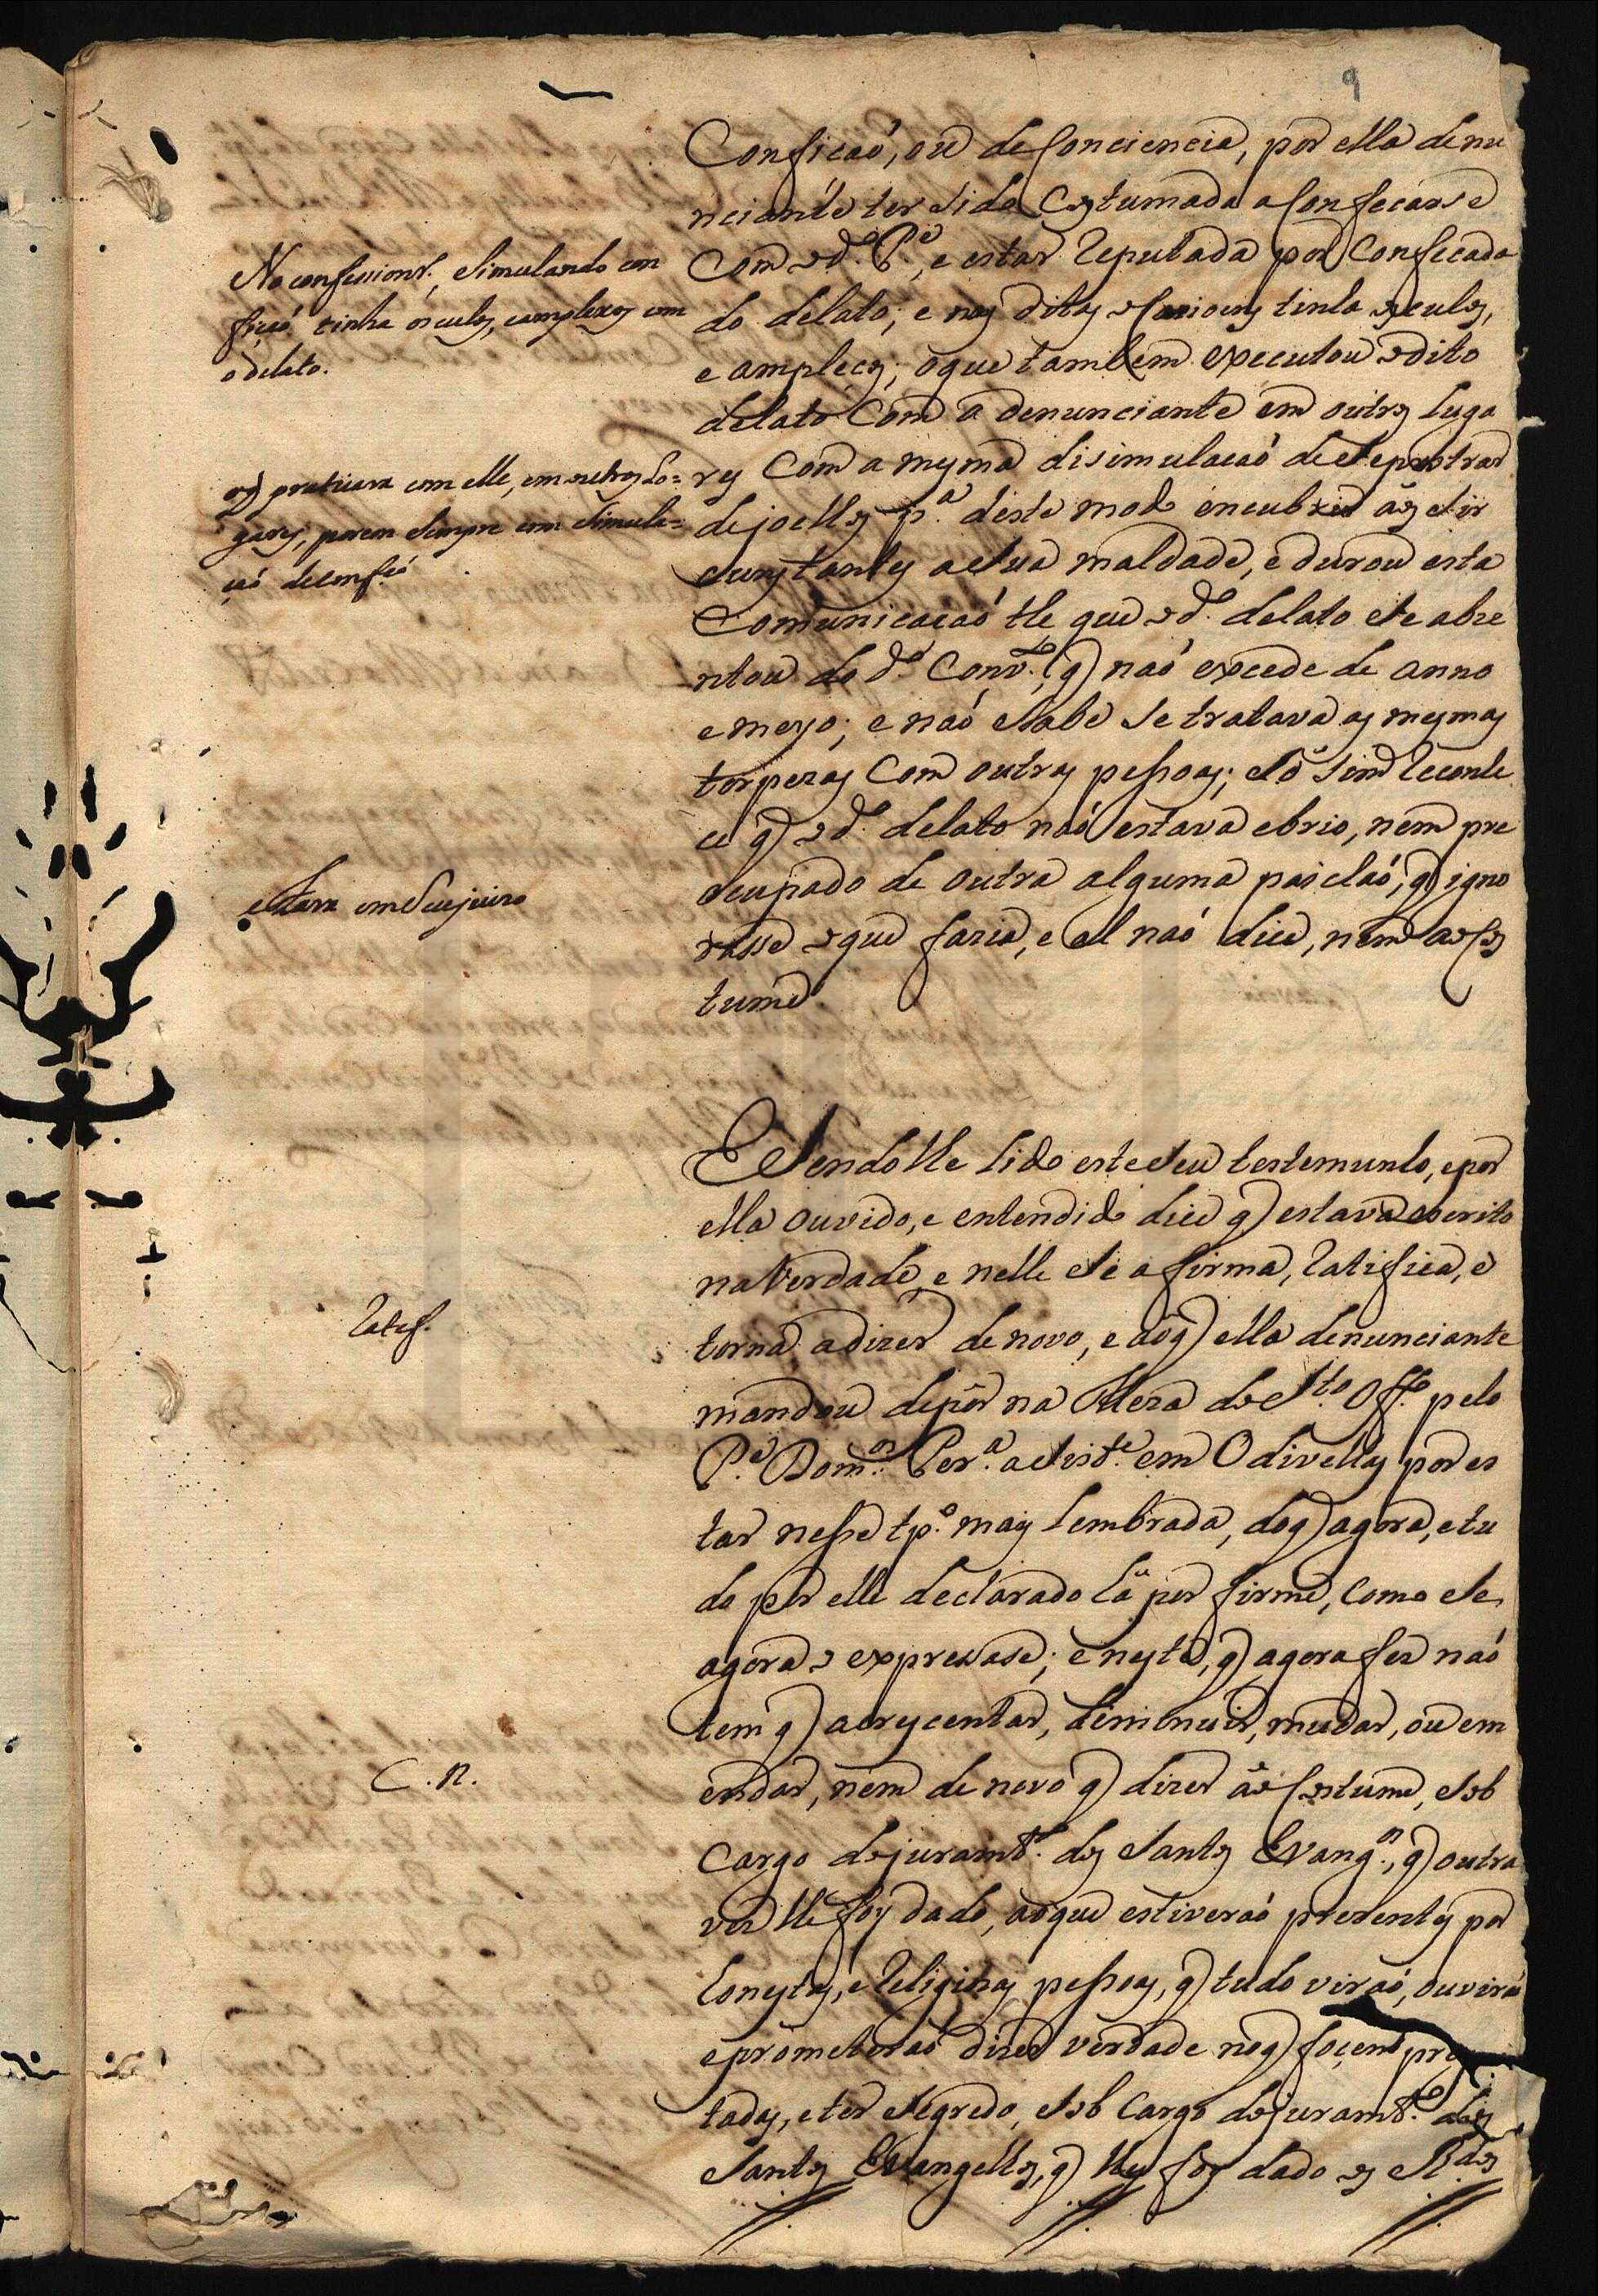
Confiçaõ, ou de Conciencia, por ella denu
nciante ter sido costumada a Confecarse
com o d.o P.e, e estar Reputada por confecada
do delato, e nas ditas oCazioens tinha osculos,
e ampleços; o que tambem executou o dito
delato com a denunciante em outros luga
res com a mesma disimulaçaõ de se prostrar
de joelhos p.a deste modo encubrir aos Sir
cunstantes a Sua maldade, e durou esta
comunicaçaõ the que o d.o delato Se abze
ntou do d.o Conv.to, q̄ naõ excede de anno
e meyo; e naõ Sabe Se tratava as mesmas
torpezas com outras pessoas; Só sim Reconhe
ce q̄ o d.o delato naõ estava ebrio, nem pre
ocupado de outra alguma paichaõ, q̄ igno
rasse o que fazia, e al naõ dice, nem ao Cos
tume
E Sendolhe lido este Seu testemunho, e por
ella ouvido, e entendido dice q̄ estava escrito
na Verdade, e nelle Se afirma, Ratifica, e
torna a dizer de novo, e ao q̄ ella denunciante
mandou depôr na Meza do S.to Off.o pelo
P.e Dom.os Per.a aSist.e em Odivellas por es
tar nesse tp.o o mais lembrada, do q̄ agora, e tu
do por elle declarado há por firme, como Se
agora o expresase; e nesta, q̄ agora fez naõ
tem q̄ acrescentar, diminuir, mudar, ou em
endar, nem de novo q̄ dizer âo Costume, Sob
cargo do jurament.o dos Santos Evang.os, q̄ outra
vez lhe foy dado, ao que estiveraõ prezentes, por
honestas, e Religiozas pessoas, q̄ tudo viraõ, ouviraõ
e prometeraõ dizer verdade no q̄ foçem pre
tadas, e ter Segredo, Sob cargo do juram.to dos
Santos Evangelhos, q̄ lhes foy dado os R.dos
No confessionr.o, Simulando con
fiçaõ tinha osculos, e amplexos com
o delato.
o q̄ praticava com elle, em outros Lo=
gares, porem Sempre em Simula=
çaõ de conf.ãoeo
estava em Seu juizo
Ratef.
C. n.
